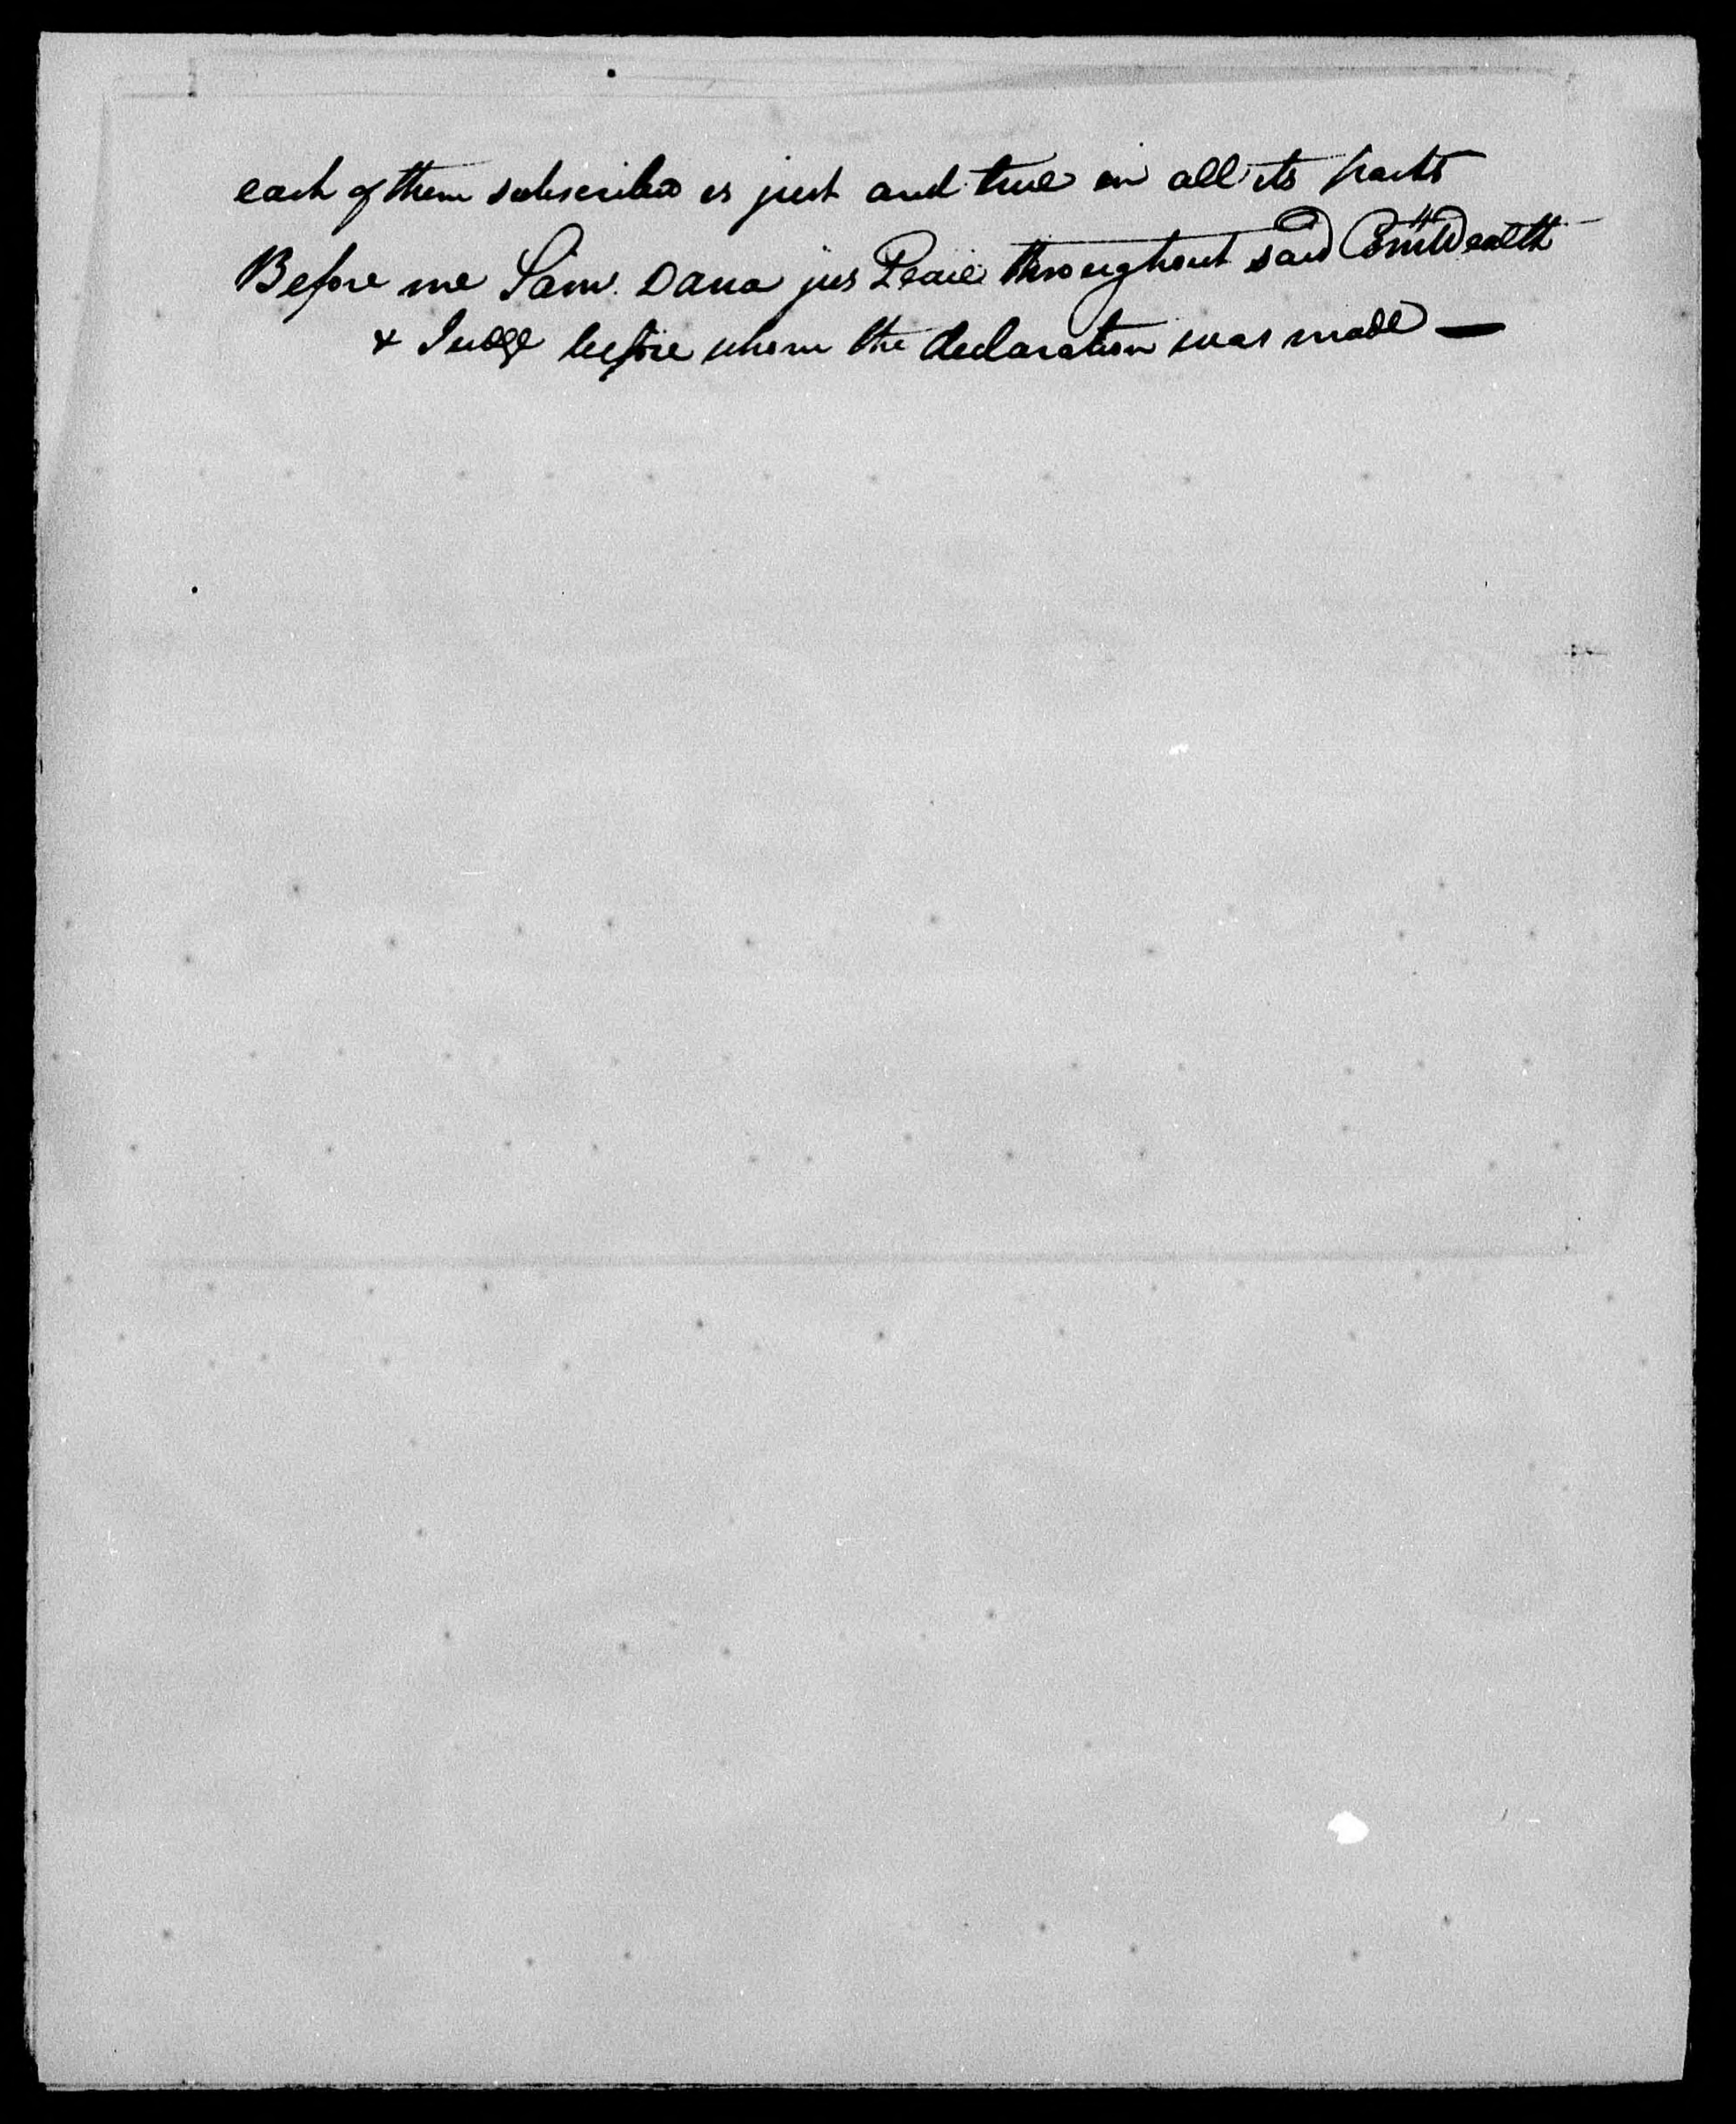each of them [illegible] is just and true in all its facts
Before me Saml. Dana jus Peace Throughout said Comwealth & Judge before whom the declaration was made-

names: Saml Dana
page: 18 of 18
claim: survivor's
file: S. 34,831, Thomas Farwell, Conn.